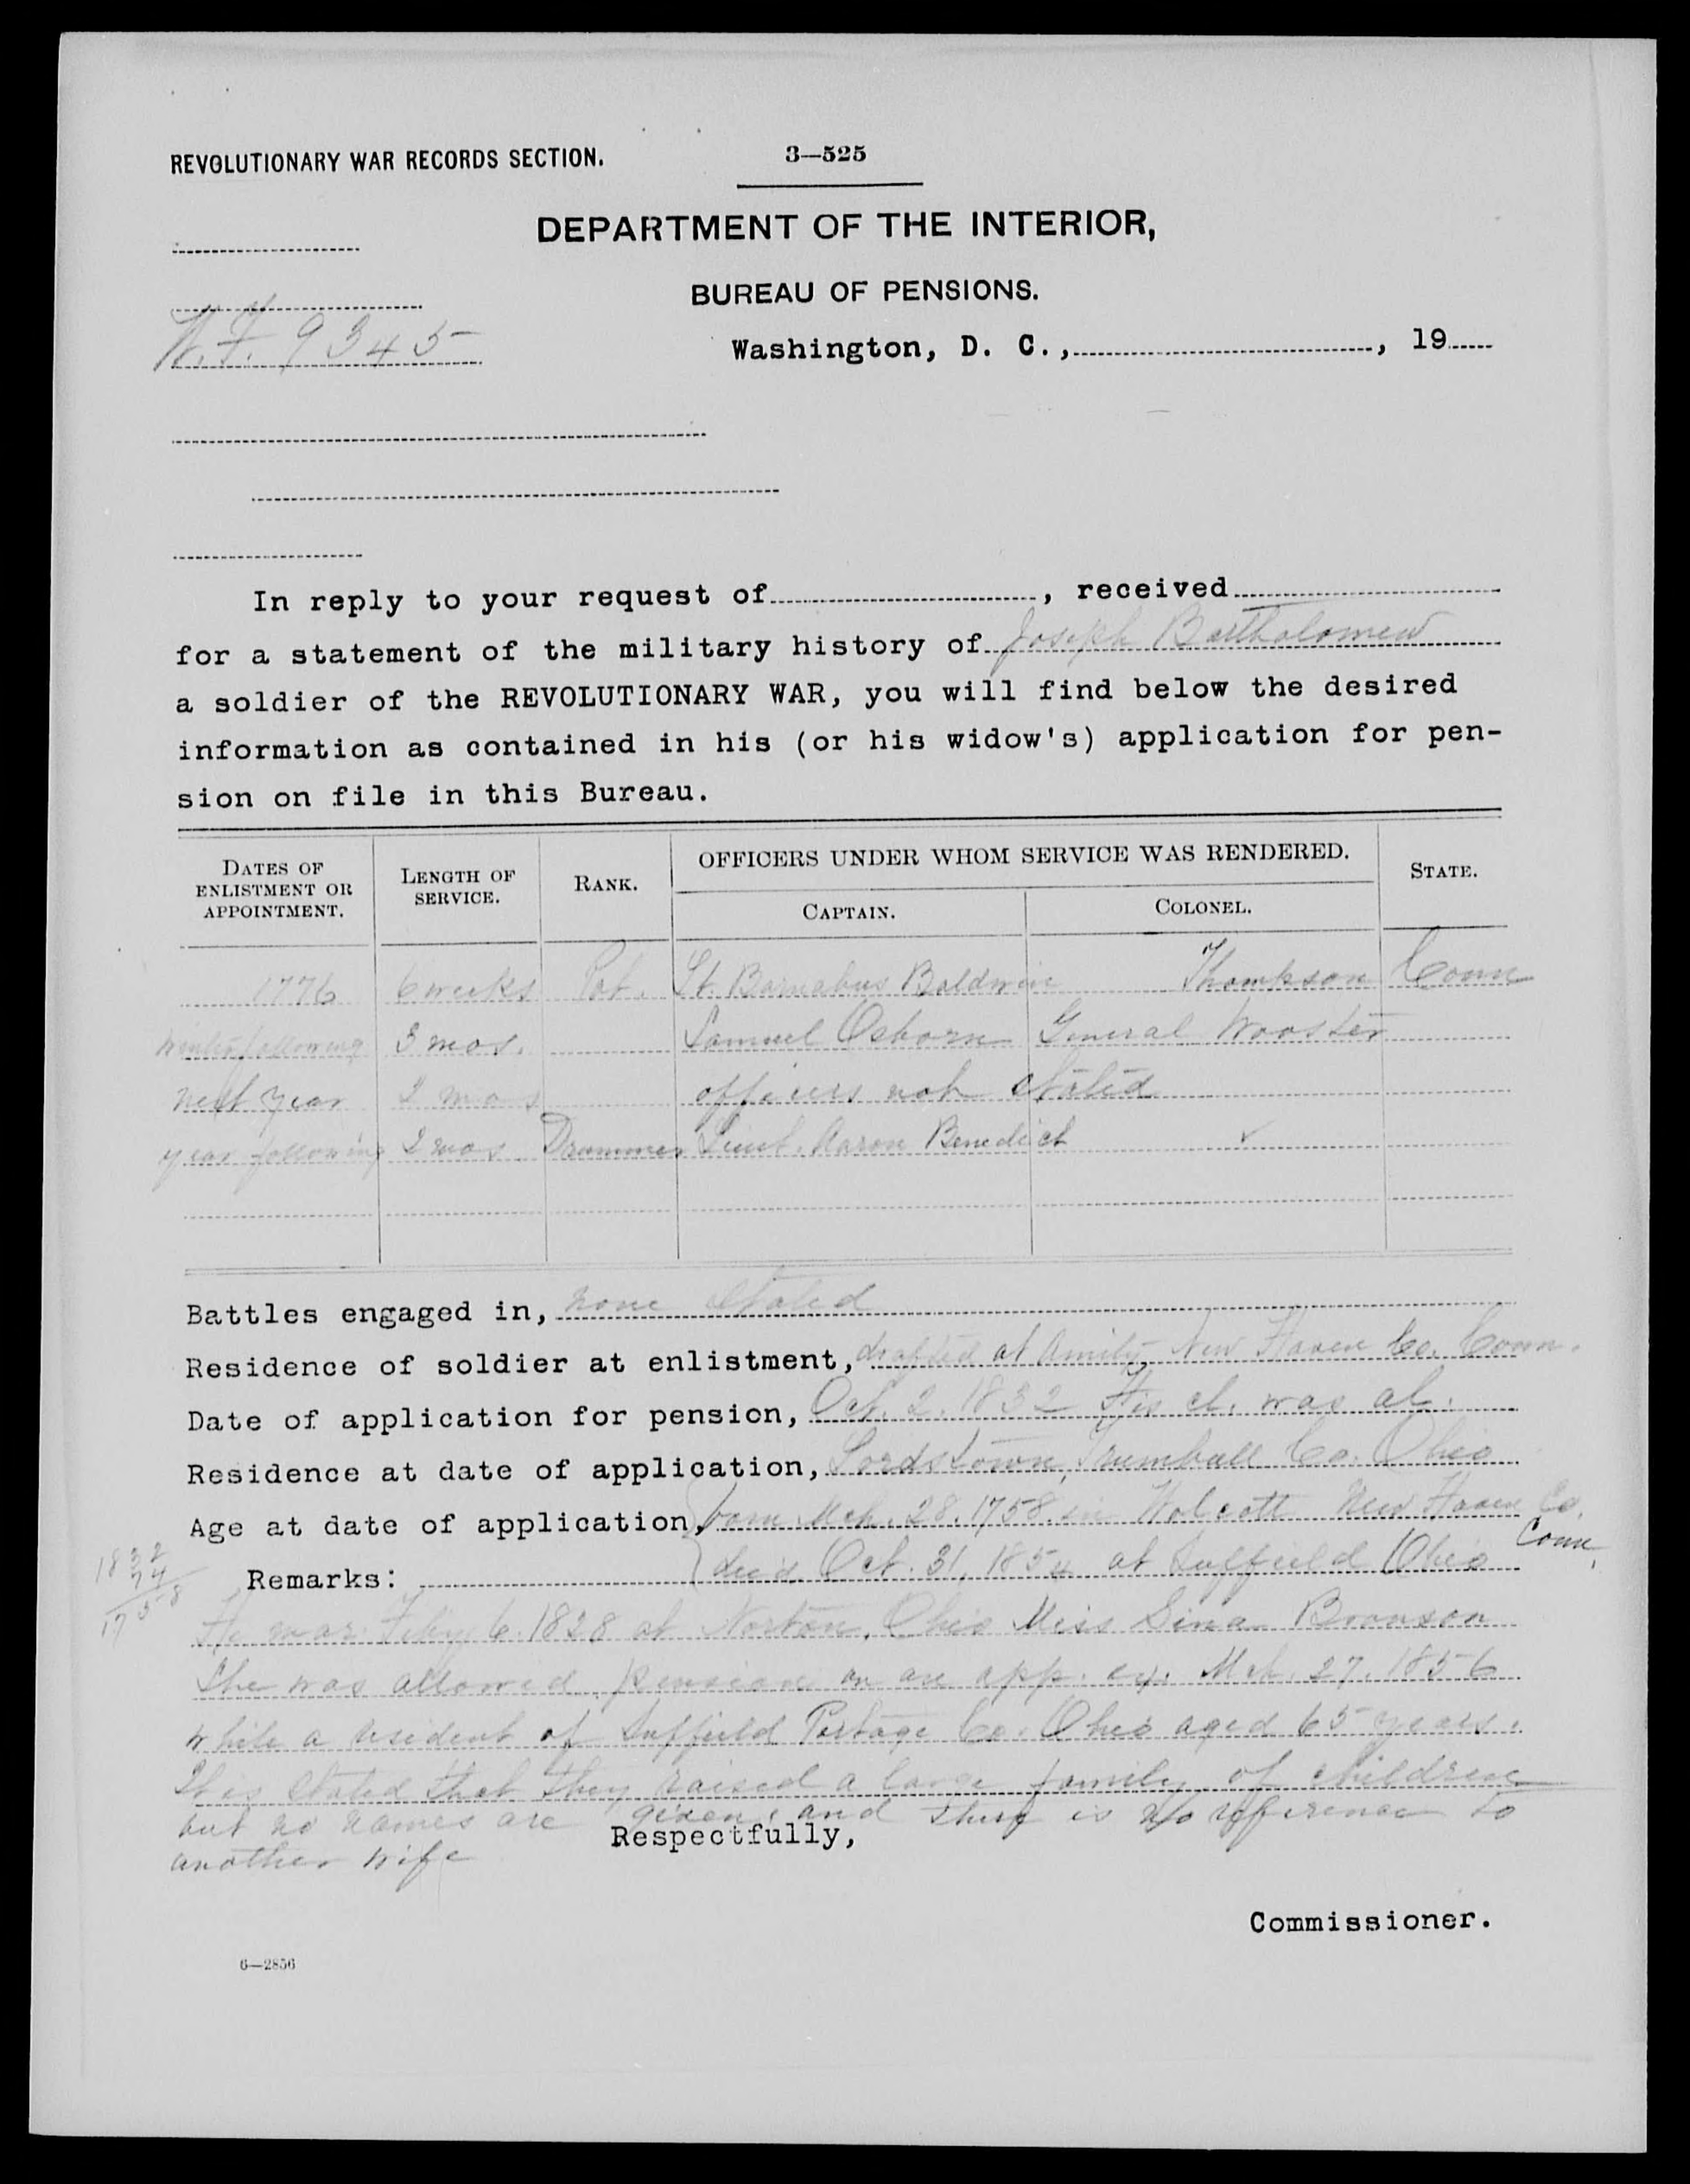REVOLUTIONARY WAR RECORDS SECTION.       3-525
DEPARTMENT OF THE INTERIOR,
BUREAU OF PENSIONS.
W.F. 9345-                                    Washington, D. C.  ______, 19___          


In reply to your request of ______,  received ______
a statement of the military history of Joseph Bartholomew
a soldier of the REVOLUTIONARY WAR, you will find below the desired information as contained in his (or his widow's) application for pension on file in this Bureau.

DATE OF ENLITMENT	LENGTH OF	RANK	OFFICERS UNDER WHOM SERVISE WAS RENDER		STATE
 OR APPOINTMENT	SERVICE		                        CAPT		           COL		
							
1776	                         6 mos	         Pvt	        Lt Barnabas Baldwin	Thompson		                Conn
winter following               3 mos	         Pvt	         Samuel Osborn         General Wooster		
Next Year		                 2 mos              Pvt	                                  Officers	not filed
year following                  2 mos	  Drummer	Lieut Aaron Benedict

Battles engaged in, none stated
Residence of soldier at enlistment, drafted at Amity, New Haven Co. Conn.
Date of application for pension, Oct. 8 1832 His cl was al
Residence at date of application, Lordstown Trumball Co Ohio
Age at date of application, born Mch  28 1758 in Wolcott New Haven Co Conn
                                           dec'd Oct. 31, 1854 at Suffield Ohio 
Remarks:
He mar Feby 6 1828 at Norton, Ohio Miss Sina Bronson
She was allowed pension on an app. Mch 27, 1856
while a resident of Suffield Portage Co Ohio aged 65 years
It is stated that they raised a large family of children
but no names are given and there is no reference to
another wife
Respectfully,
Commissioner.
6 -- 2850

1822
   74
1758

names: Aaron Benedict, Wooster, Sina Bronson, Joseph Bartholomew, Barnabas Baldwin, Samuel Osborn, Wolcott, Thompson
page: 68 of 76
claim: widow's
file: W. 9345, Joseph Bartholomew, Conn.